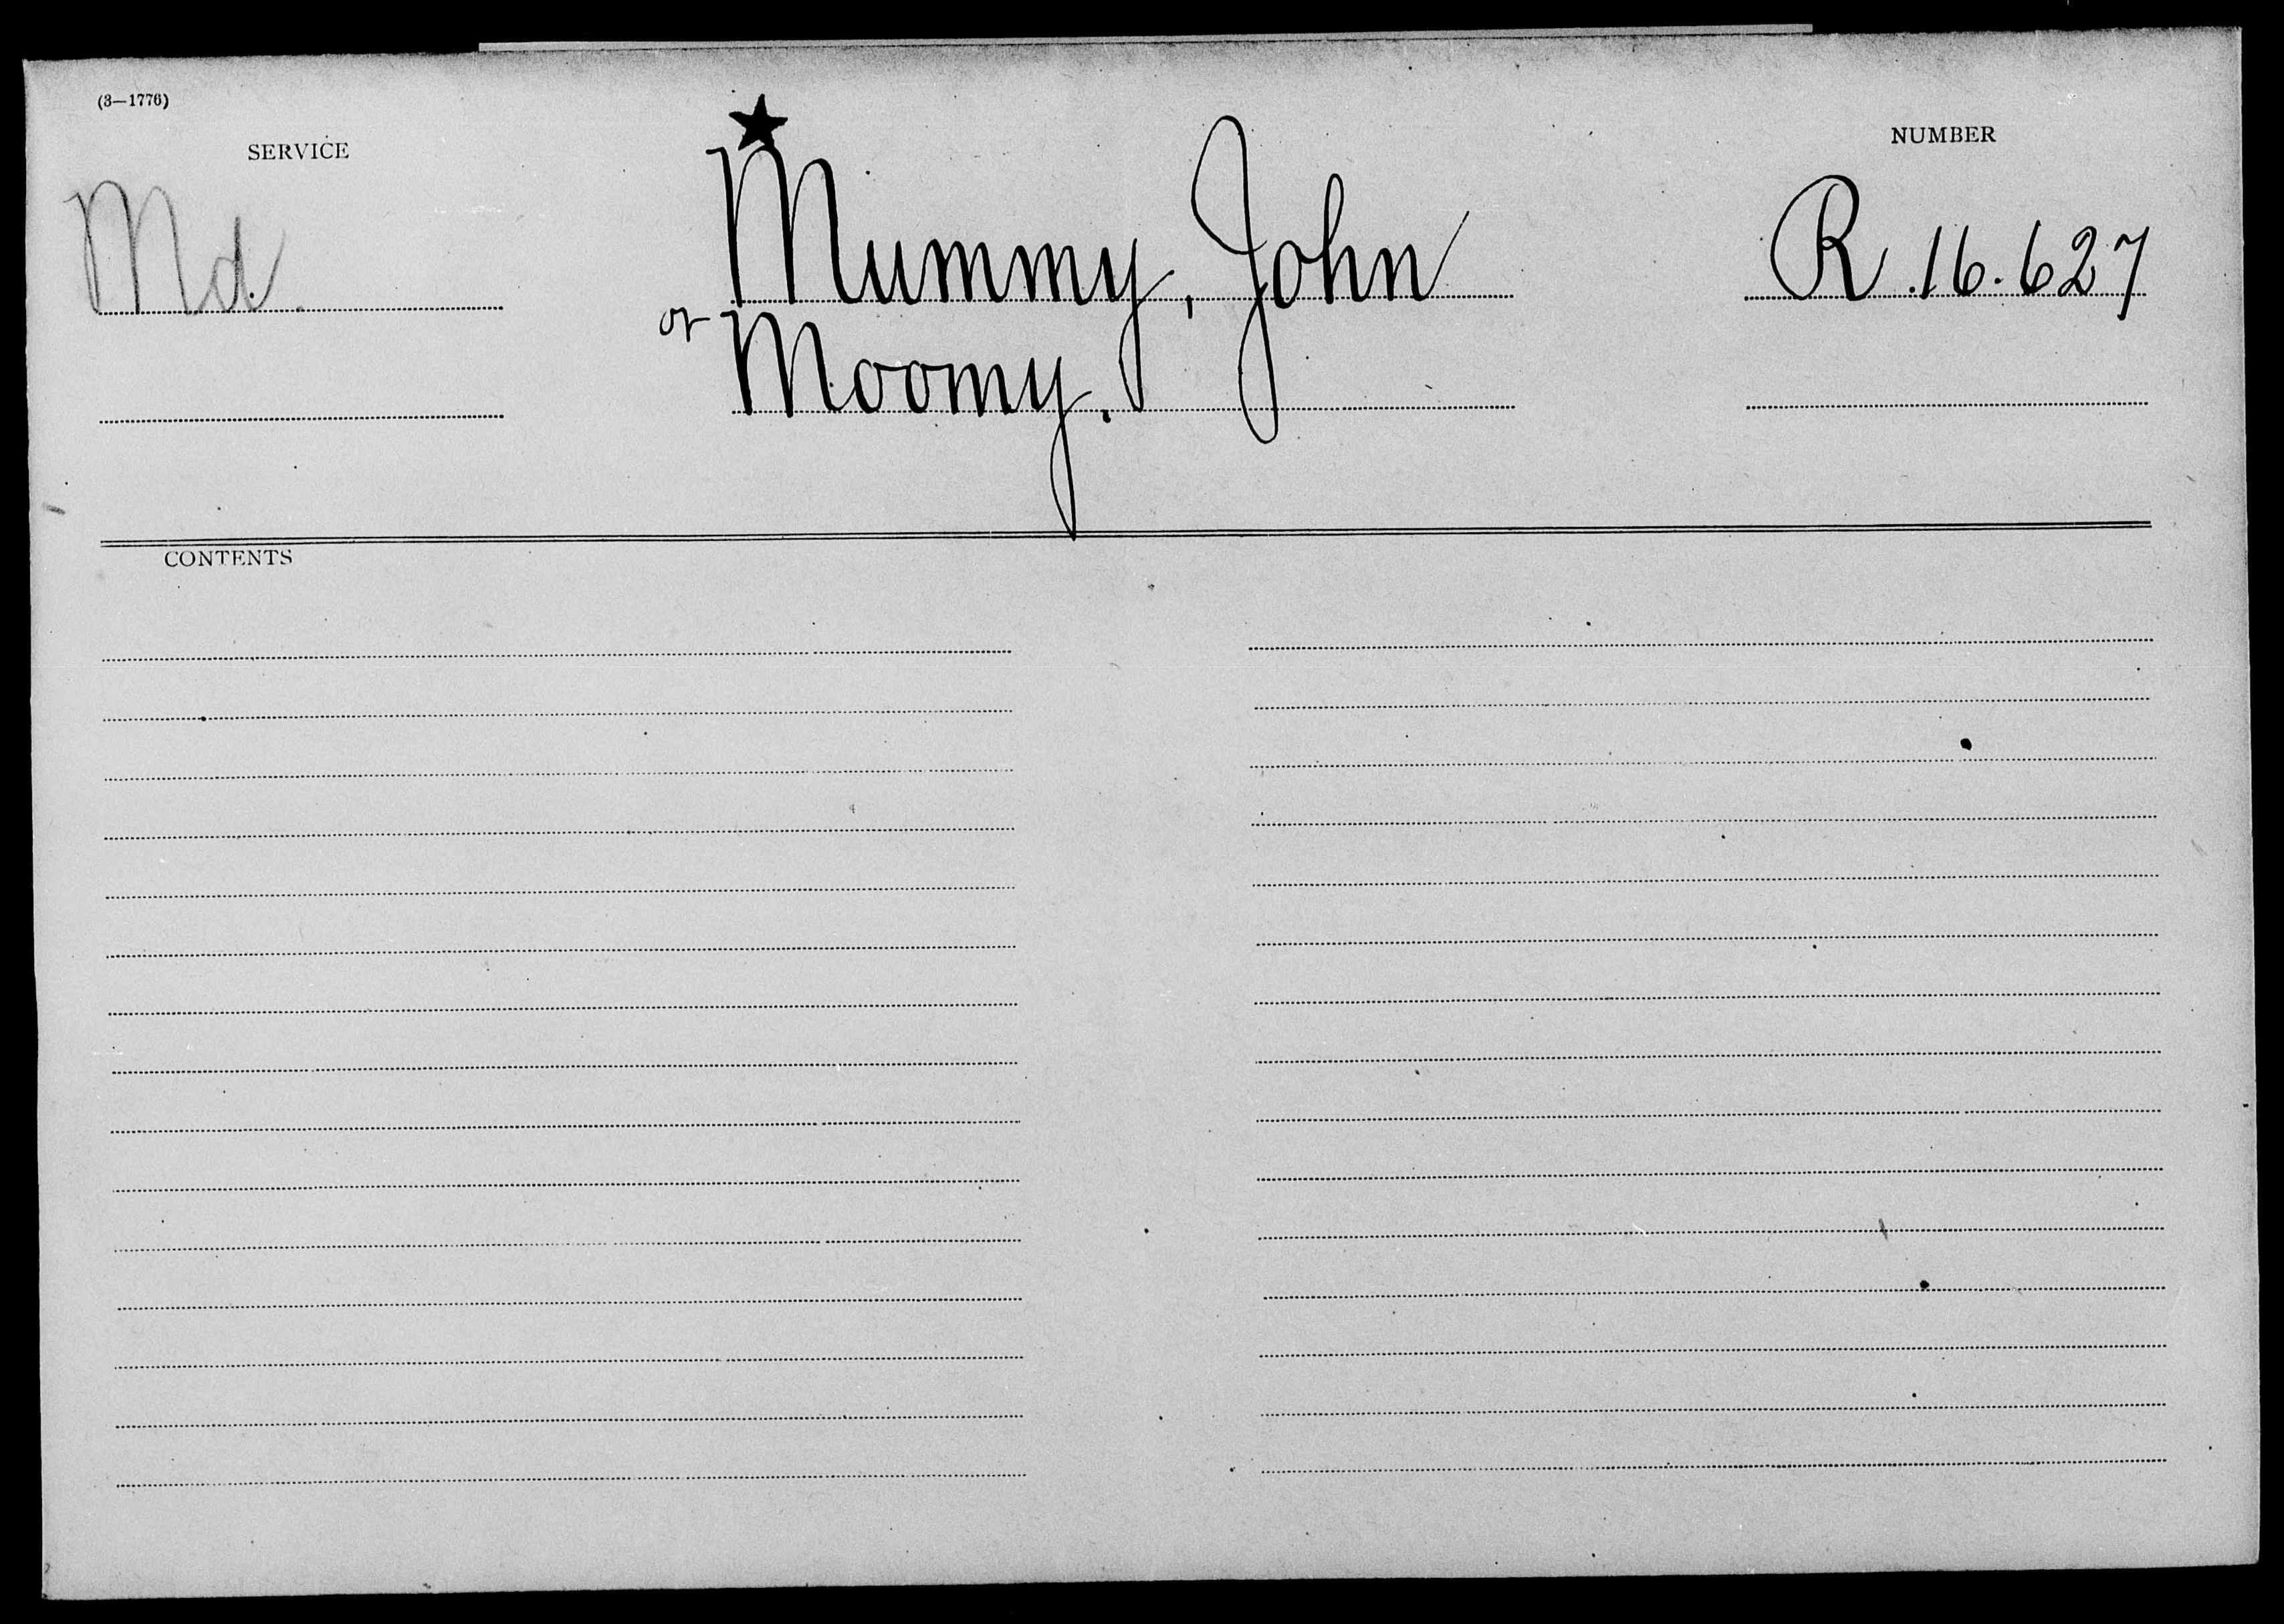(3-1776)
Service Md
*Mummy, John Number R 16627
or Monny
=================
CONTENTS
_____________________________
_____________________________
_____________________________
_____________________________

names: John Moomy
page: 1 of 9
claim: rejected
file: R. 16,627, for John Mummy, Maryland